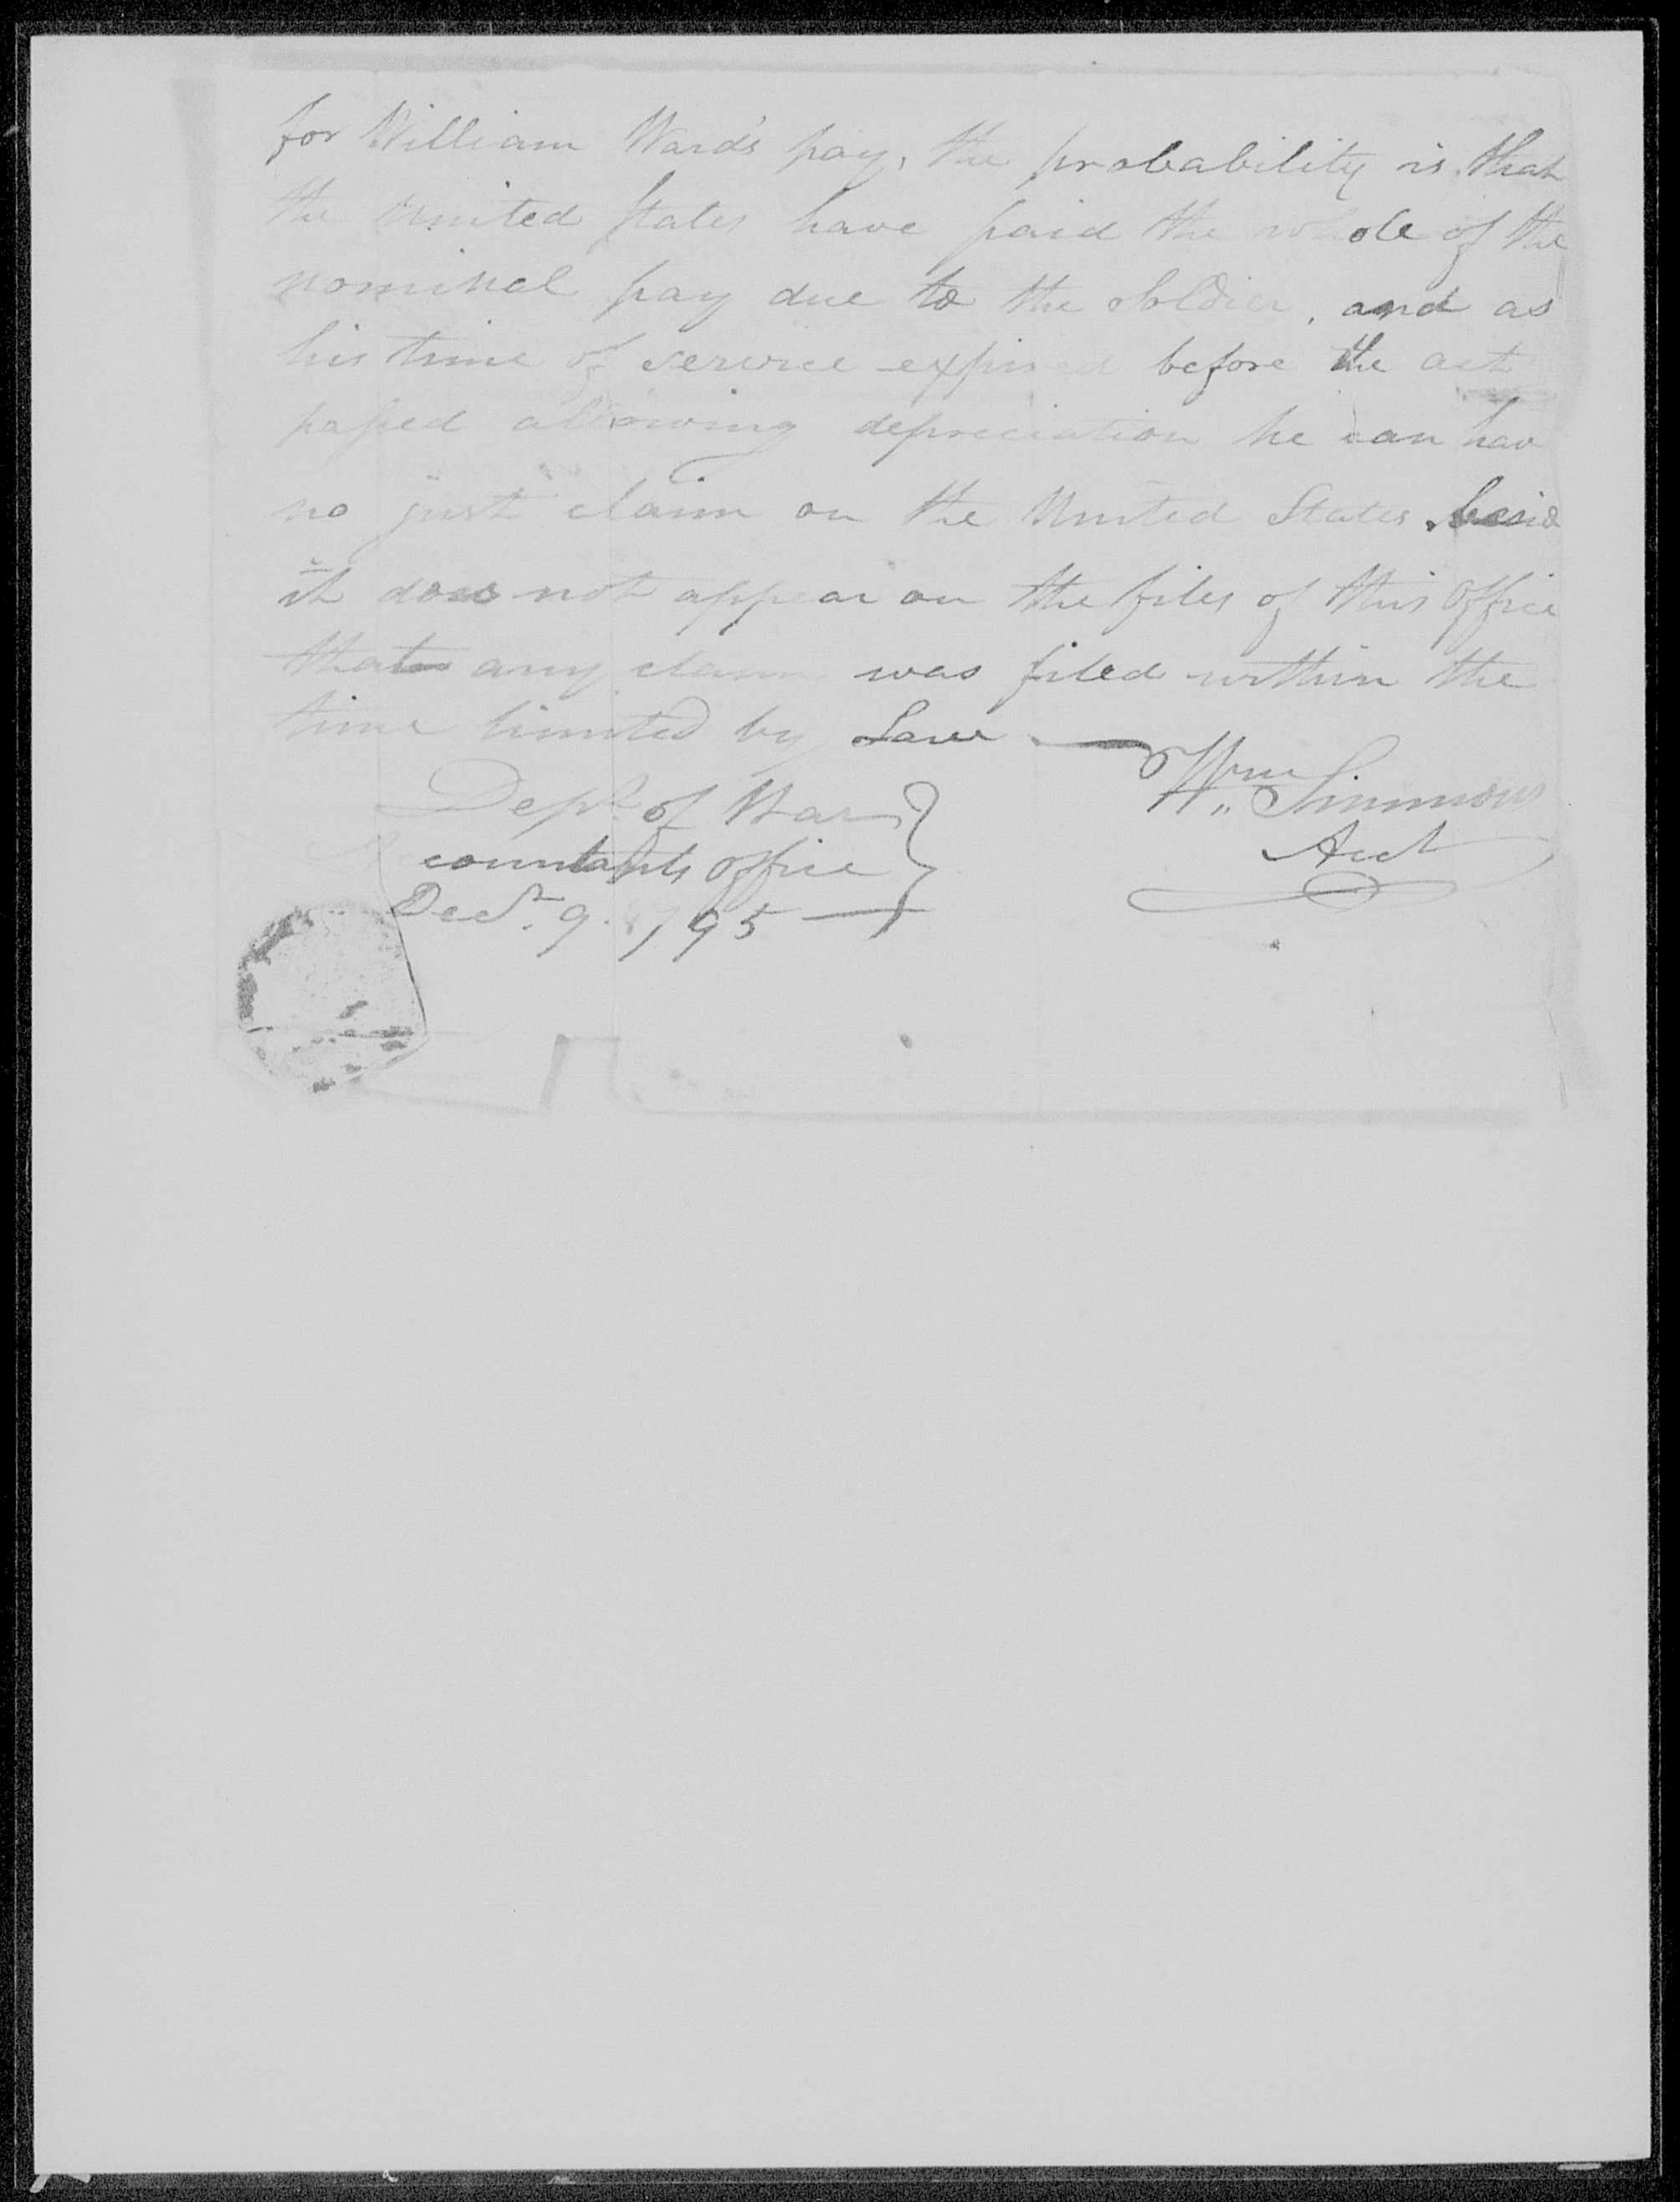for William Ward's pay, the probability is that the
United States have paid the whole of the
nominal pay due to the Soldier, and as his time of service expired before the act passed allowing depreciation he can have no just claim on the United States [besides] it does not appear on the files of this Office that any claim was filed within the time limited by Law
Officer
Wm Simmons
Acct.
Dept of War
Accountants office
Decr. 9 1795
[Seal affixed]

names: William Ward, Wm Simmons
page: 10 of 17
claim: survivor's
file: S. 42053, William Ward, Ga.